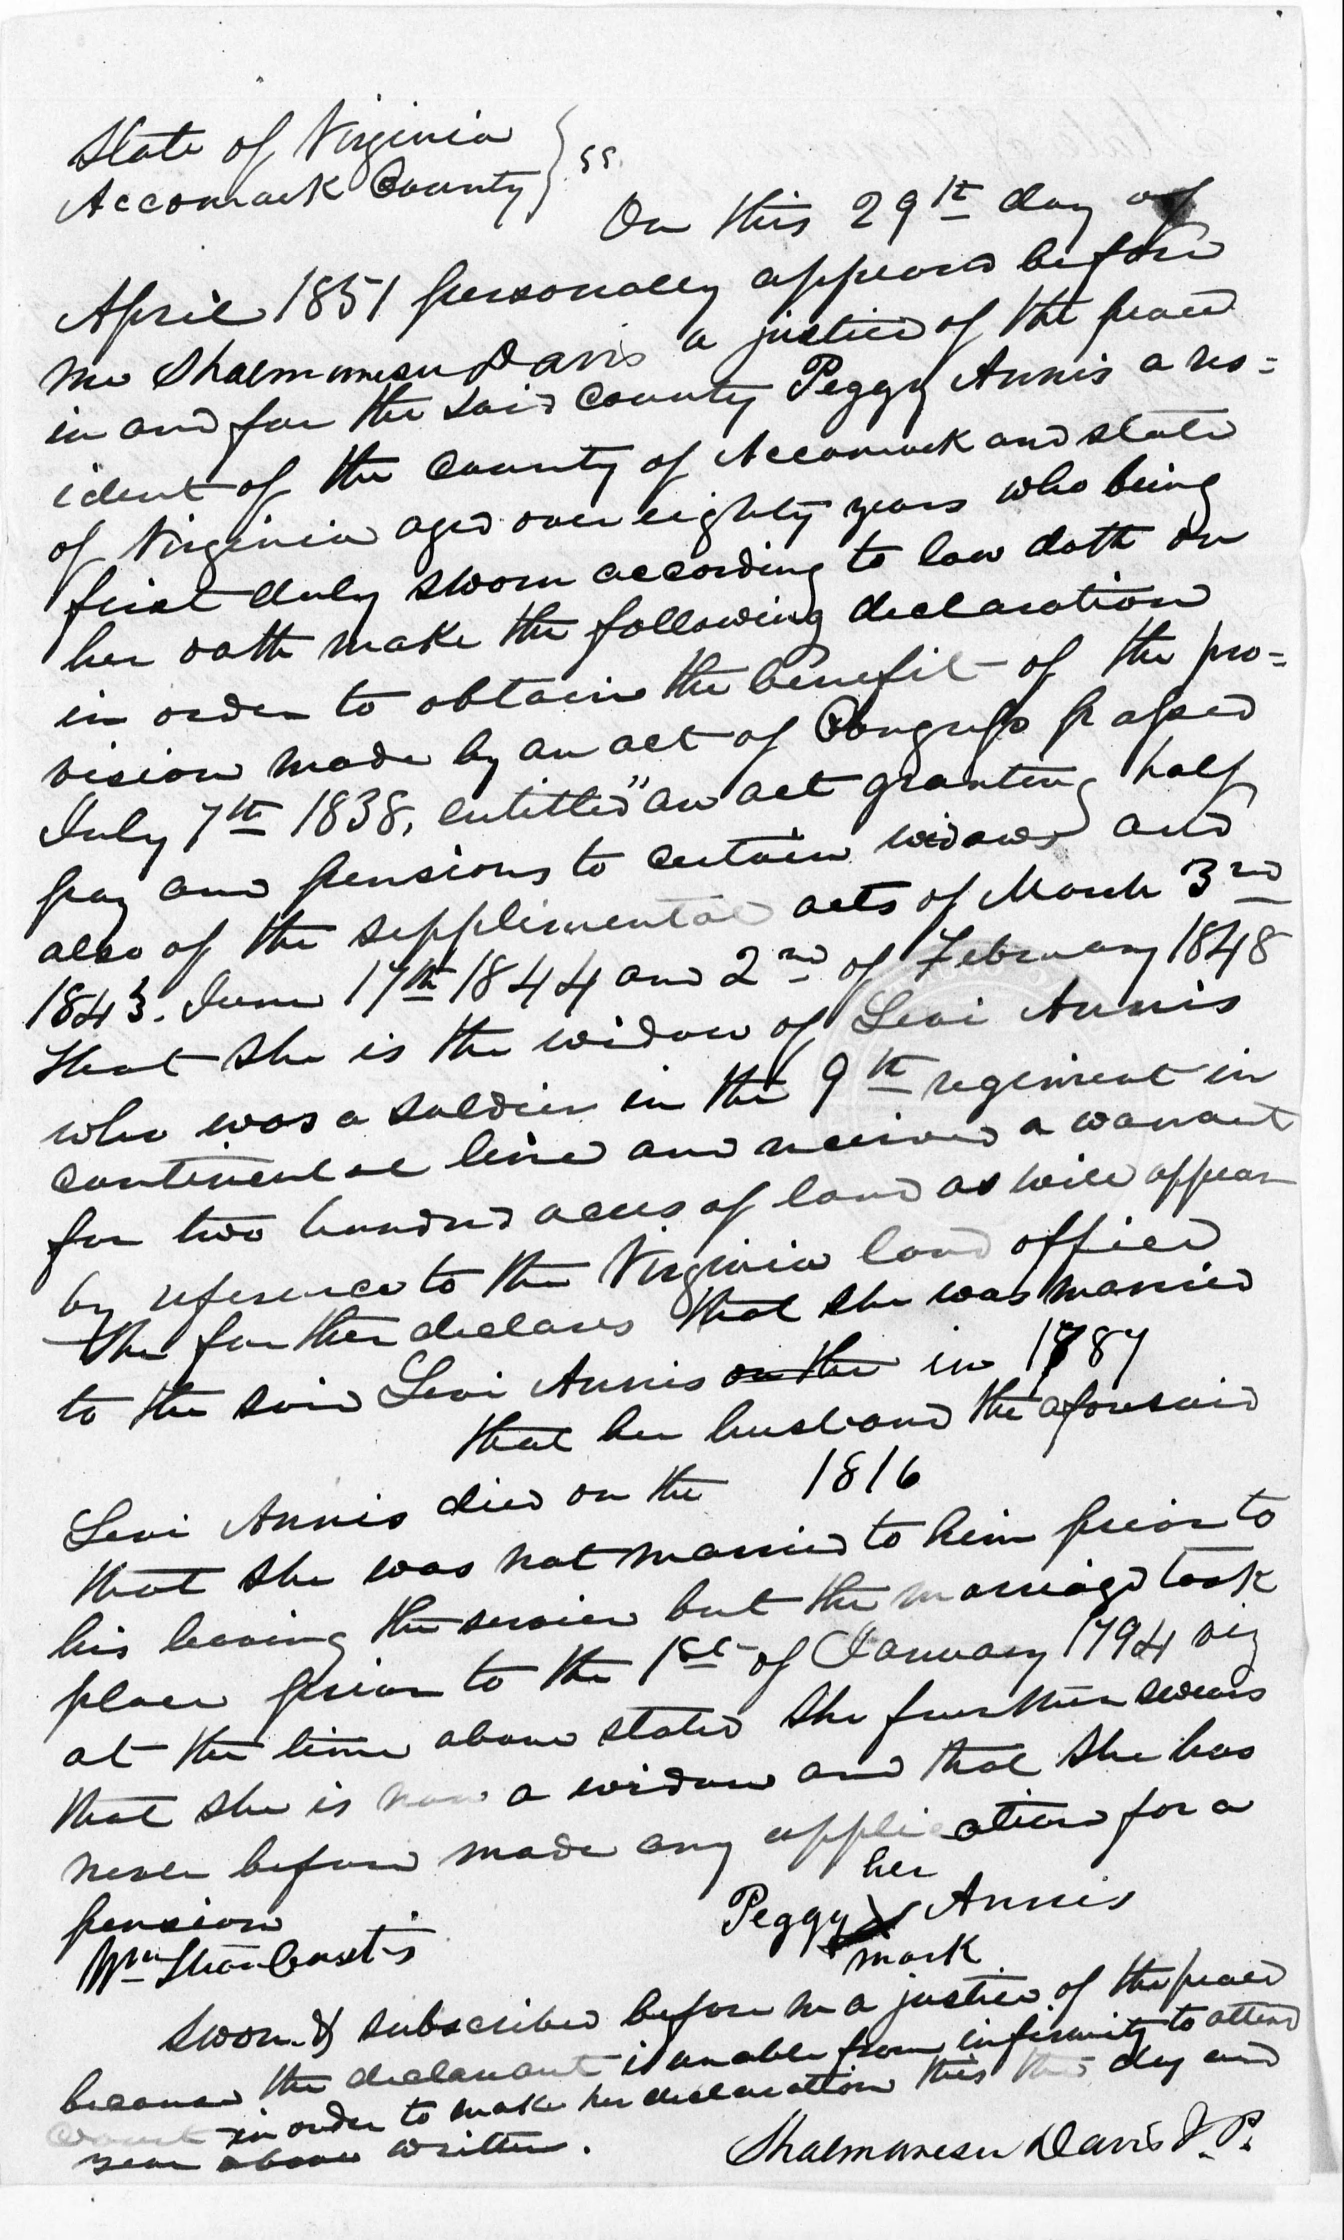State of Virginia
___ ___


     On this 29th day of April 1851 -Revolutionary- affairs Before Mr. Shalmaneser Davis a justice of the peace in and for -Her- _____ _____ Peggy Annis a _____ _____ _____ _____ of _____ and states of Virginia -ages- over 80 years who b____ first only _____ acceding to law debt for her oath make the following declaration in order to obtain the _____ of the _June_ session made by an act of _____ _ _____ July 7th 1838 entitles an act granting ___ ___ and pensions to retain and ___ of that _____ and of March 3rd 1843. _____ 1-7-th 1844 and 2nt of February 1848 _____ she is the window of ___ ___ who was a ___ in the 9th regiment in ___ -line- and ___ a warrant for two hundred acers of land as -laieu- offers by ___ to -that- Virginia law ___ that from them ___ ___ ___ companies to the
 -review- ___ ___ 1884 

that her husband the -aforementioned-

Levi Annis dies on -the- 1816
that she was not married to ___ ___ to his ___ ___ ___ but that ___ took ___ ___ to the 1st of January 1794 by at ___ ___ above states she is a widdow and that she has ___ ___ made any ___ ___ for a review

Peggy Annis 
___ ___ ___ ___ a justice of the ___ -becomes the- ___ ___ from ___ to allow ___ in order to make her ___ ___ ___ this ___ day and year obove written.

Shalmaneser Davis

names: Levi Annis, Levi Annis, Peggy Annis, Wm Stean Cusets, Peggy Annis, Shalmaneser Davis, Levi Annis, Shalmaneser Davis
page: 6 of 27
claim: widow's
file: W 5624, Levi Annis, Va. Va. Sea Service